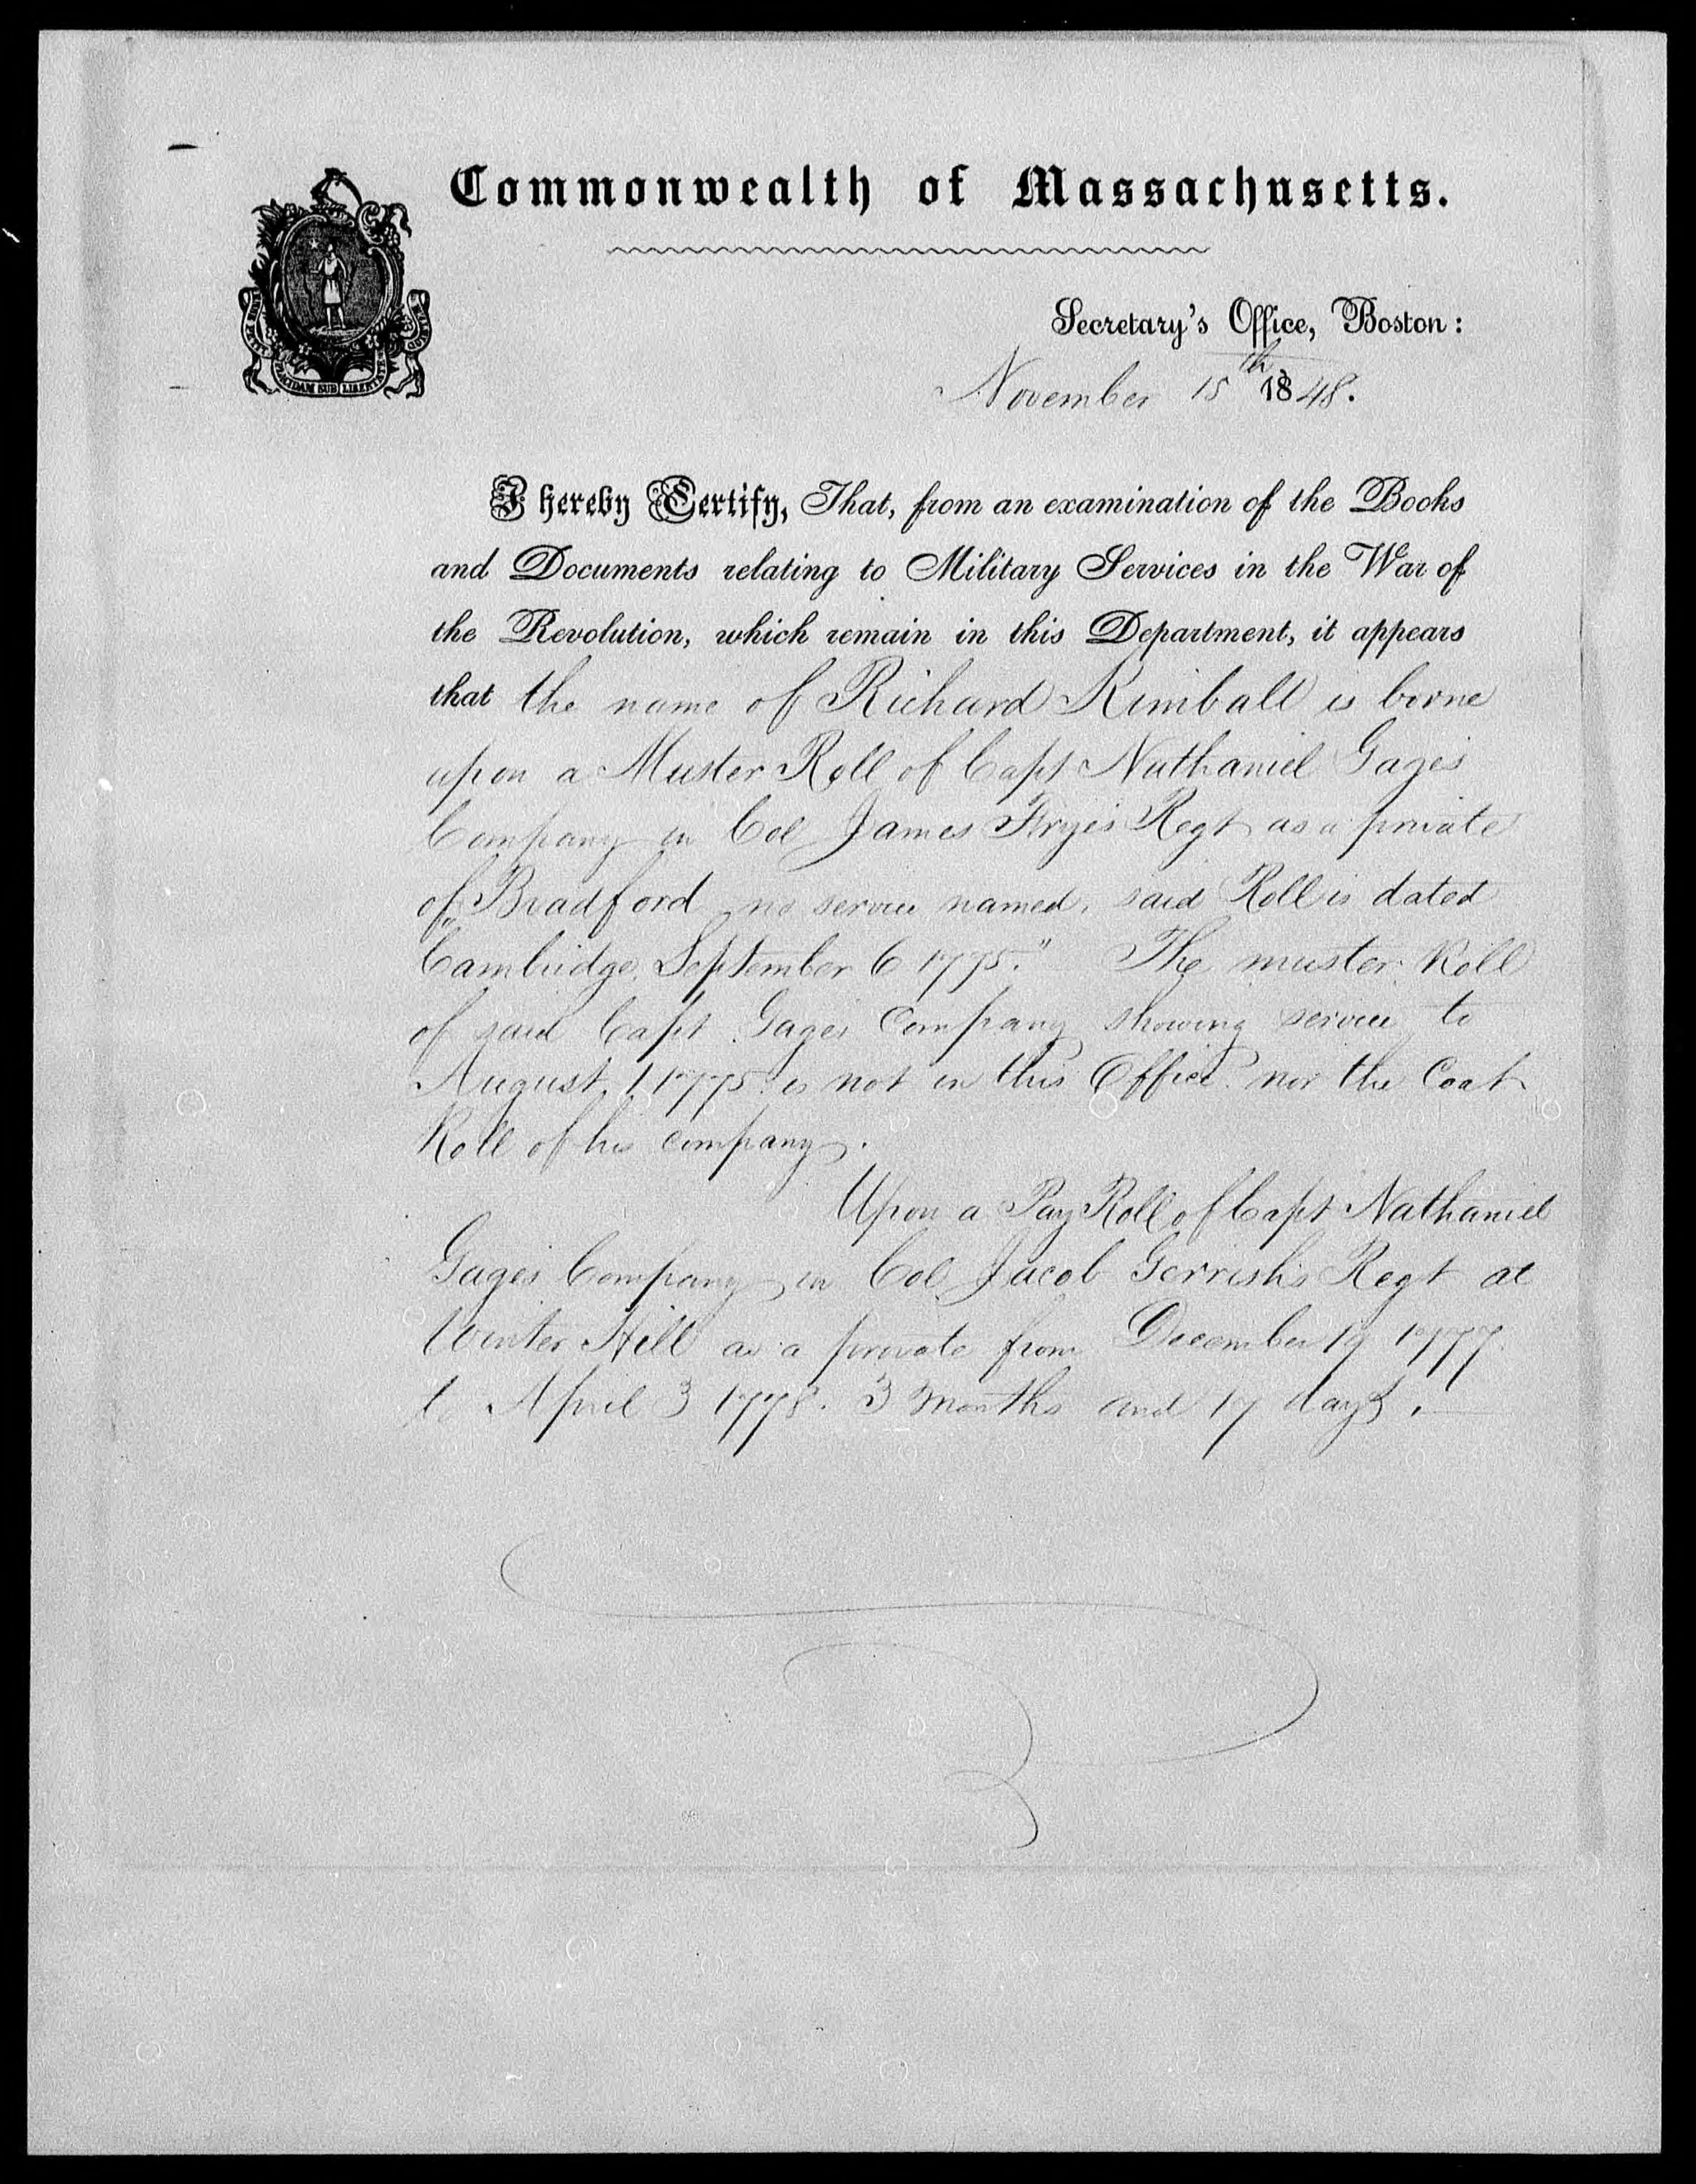Commonwealth of Massachusetts

Secretary's Office, Boston:
November 15th 1848.

I hereby certify, that, from an examination of the Books and Documents relating to Military Services in the War of the Revolution, which remains in this Department, it appears that the name of Richard Kimball is borne when a Muster Roll of Capt Nathaniel Gage's Company in Col James Frye's Regt as a private of Bradford, no service named, said Roll is dated Cambridge, September 6 1775. The muster roll of said Capt Gage's Company showing service to August 1 1775 is not in this Office nor the [illegible] Roll of his company.

Upon a Pay Roll of Capt. Nathaniel Gages Company in Col Jacob Gerrish's Regt at Winter Hill as a private from December 19 1777 to April 3 1778, 3 months and 17 days,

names: Richard Kimball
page: 9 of 29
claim: widow's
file: W. 1779, for Richard Kimball, Massachusetts